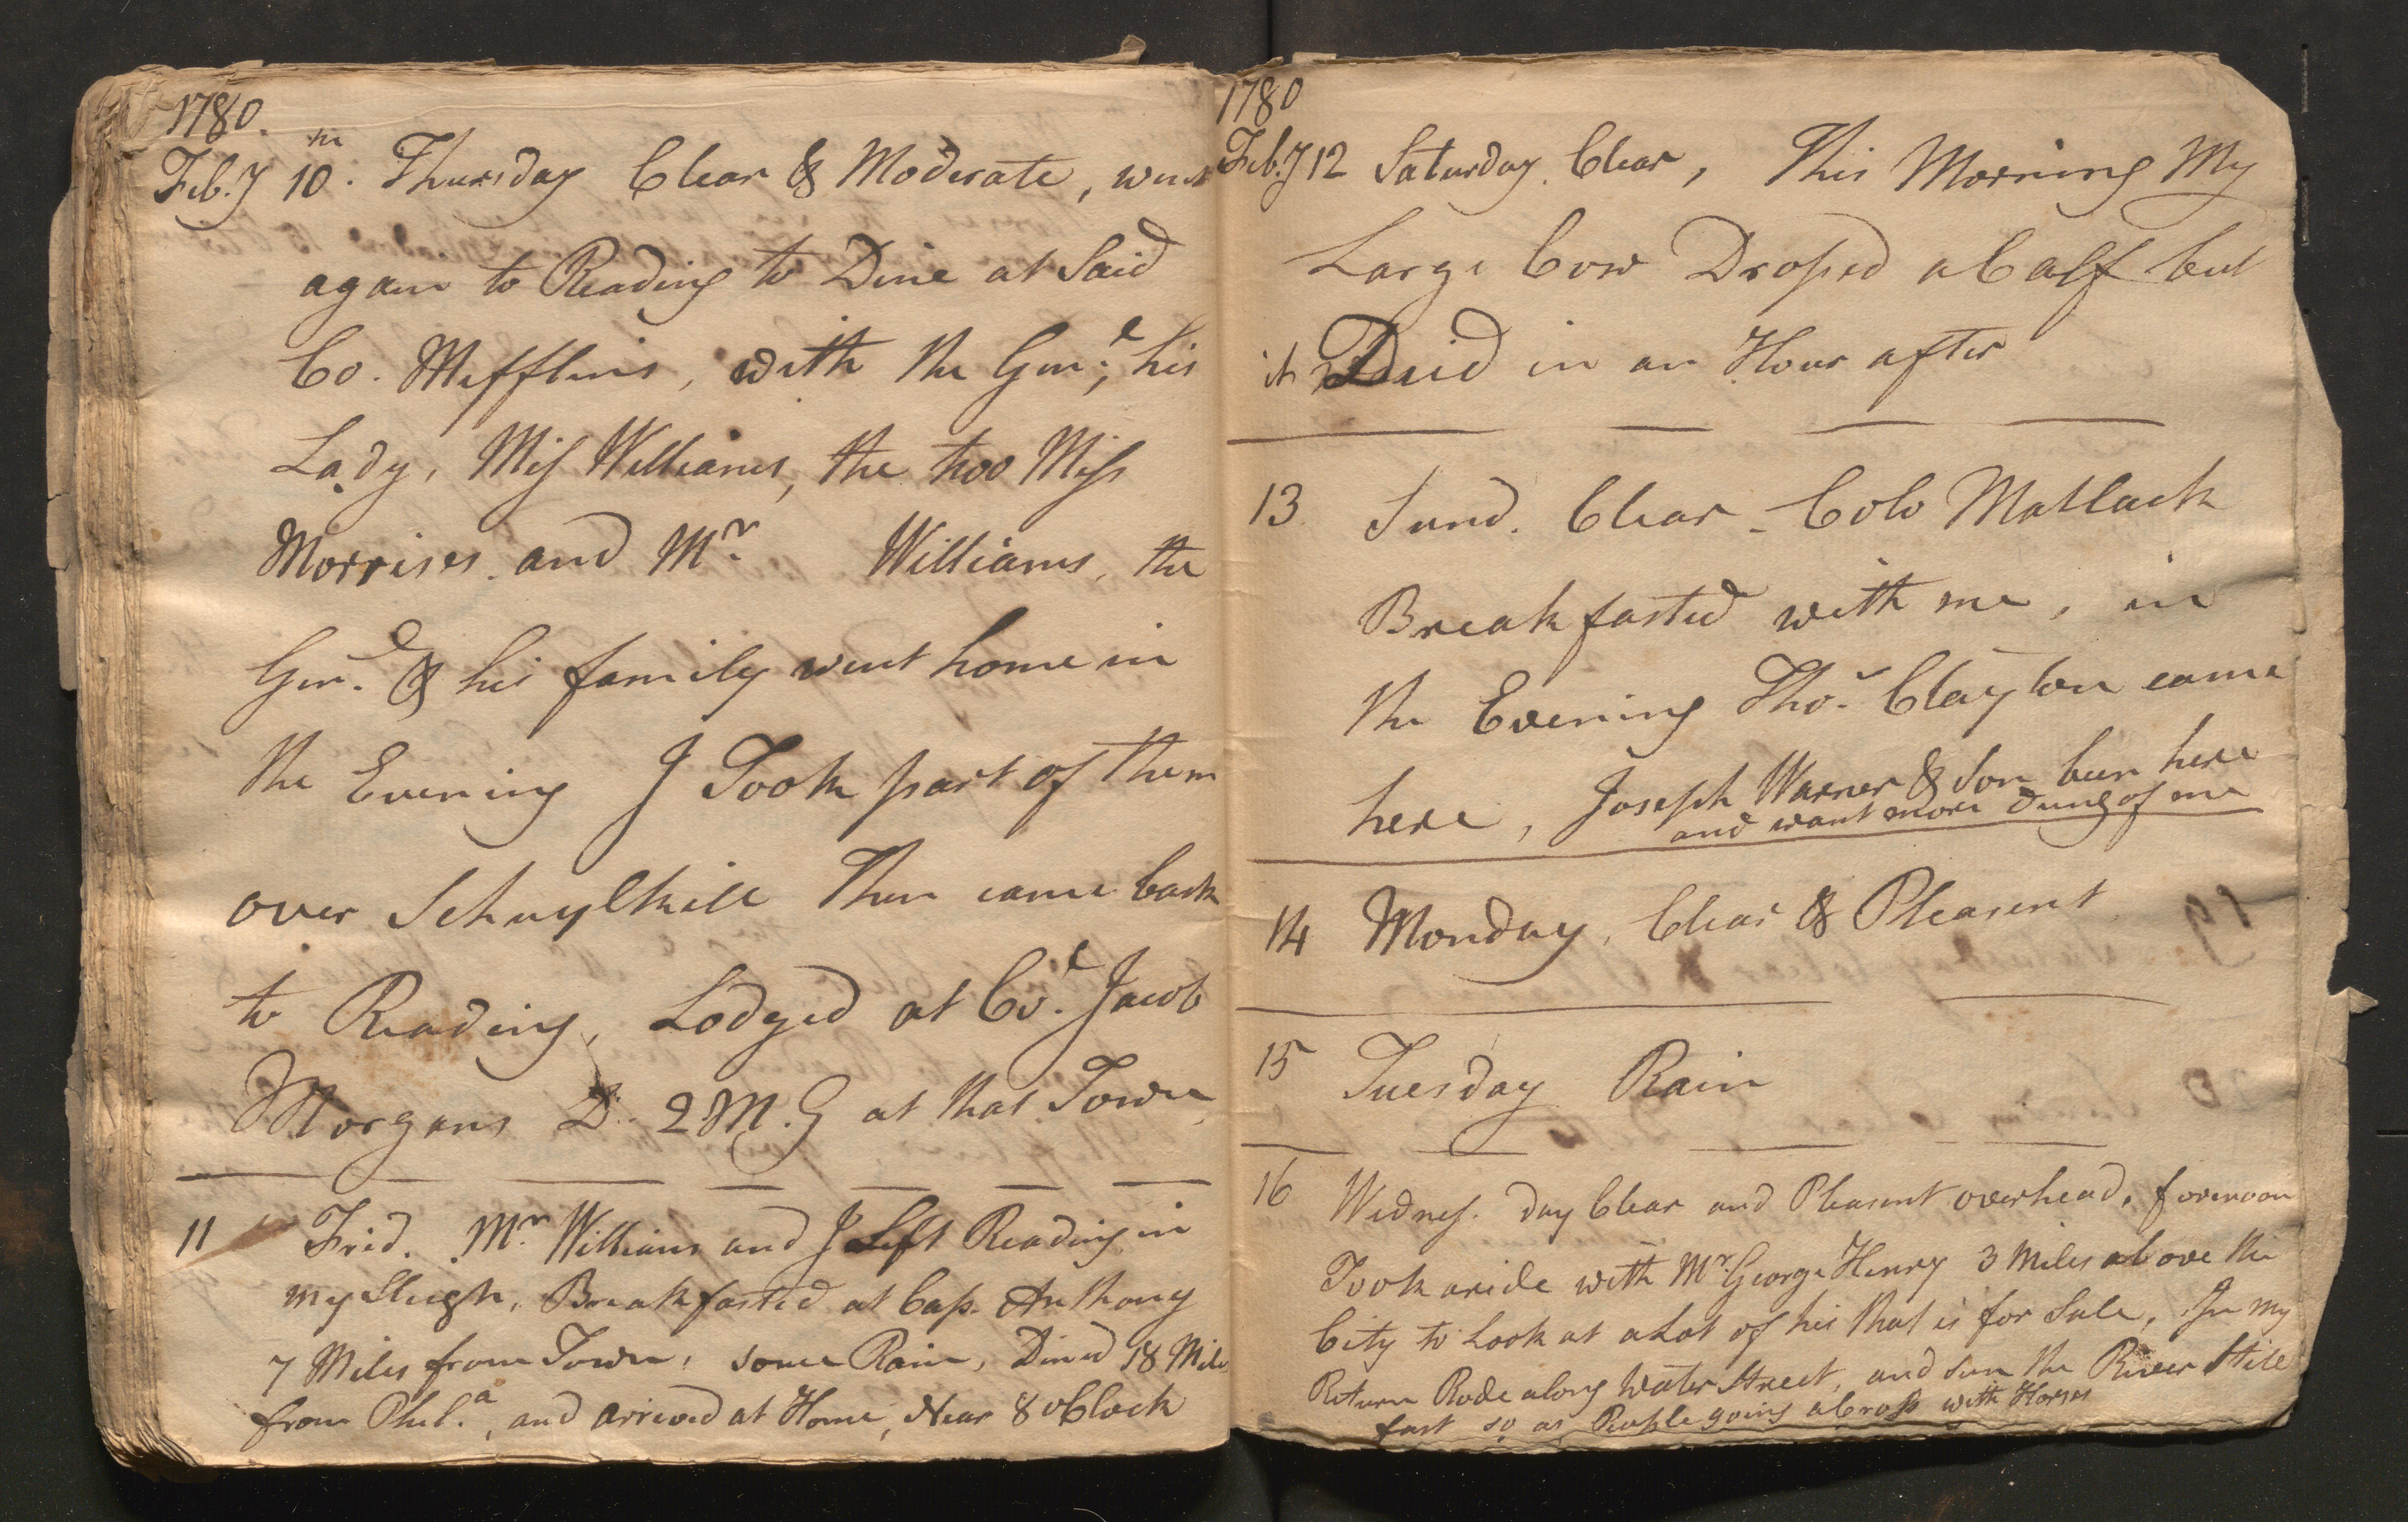1780
Feb^y 10. Thursday Clear & Moderate, went
again to Reading to Dine at Said
Co. Mifflins, with the Gen^l., his
Lady, Mis Williams, the two Miss
Morrises and M^r. Williams, the
Gen^l. & his family went home in
The Evening I Took part of them
over Schuylkill Then came back
to Reading Lodged at Co^l. Jacob
Morgans D. QMG at that Town
11 Frid. M^r. Williams and I Left Reading in
my Sleigh, Breakfasted at Cap. Anthony
7 Miles from Town, some Rain, Dined 18 Mile
from Phil^a. and arrived at Home, Near 8 oClock
1780
Feb^y. 12 Saturday. Clear, This Morning My
Large Cow Droped a Calf but
it Died in an Hour after
13 Sund. Clear Colo Matlack
Breakfasted with me, in
the Evening Tho^s Clayton came
here,
Joseph Warner & Son been here
and want more dung of one
14 Monday. Clear & Pleasent
15 Tuesday Rain
16
Wednes. day Clear and Pleasent overhead, forenoon
Took a ride with M^r. George Henry 3 miles above the
City to look at a Lot of his that is for Sale, In my
Return Rode along Water Street, and don the River Hill
fast so as People going a a Cross with Horses